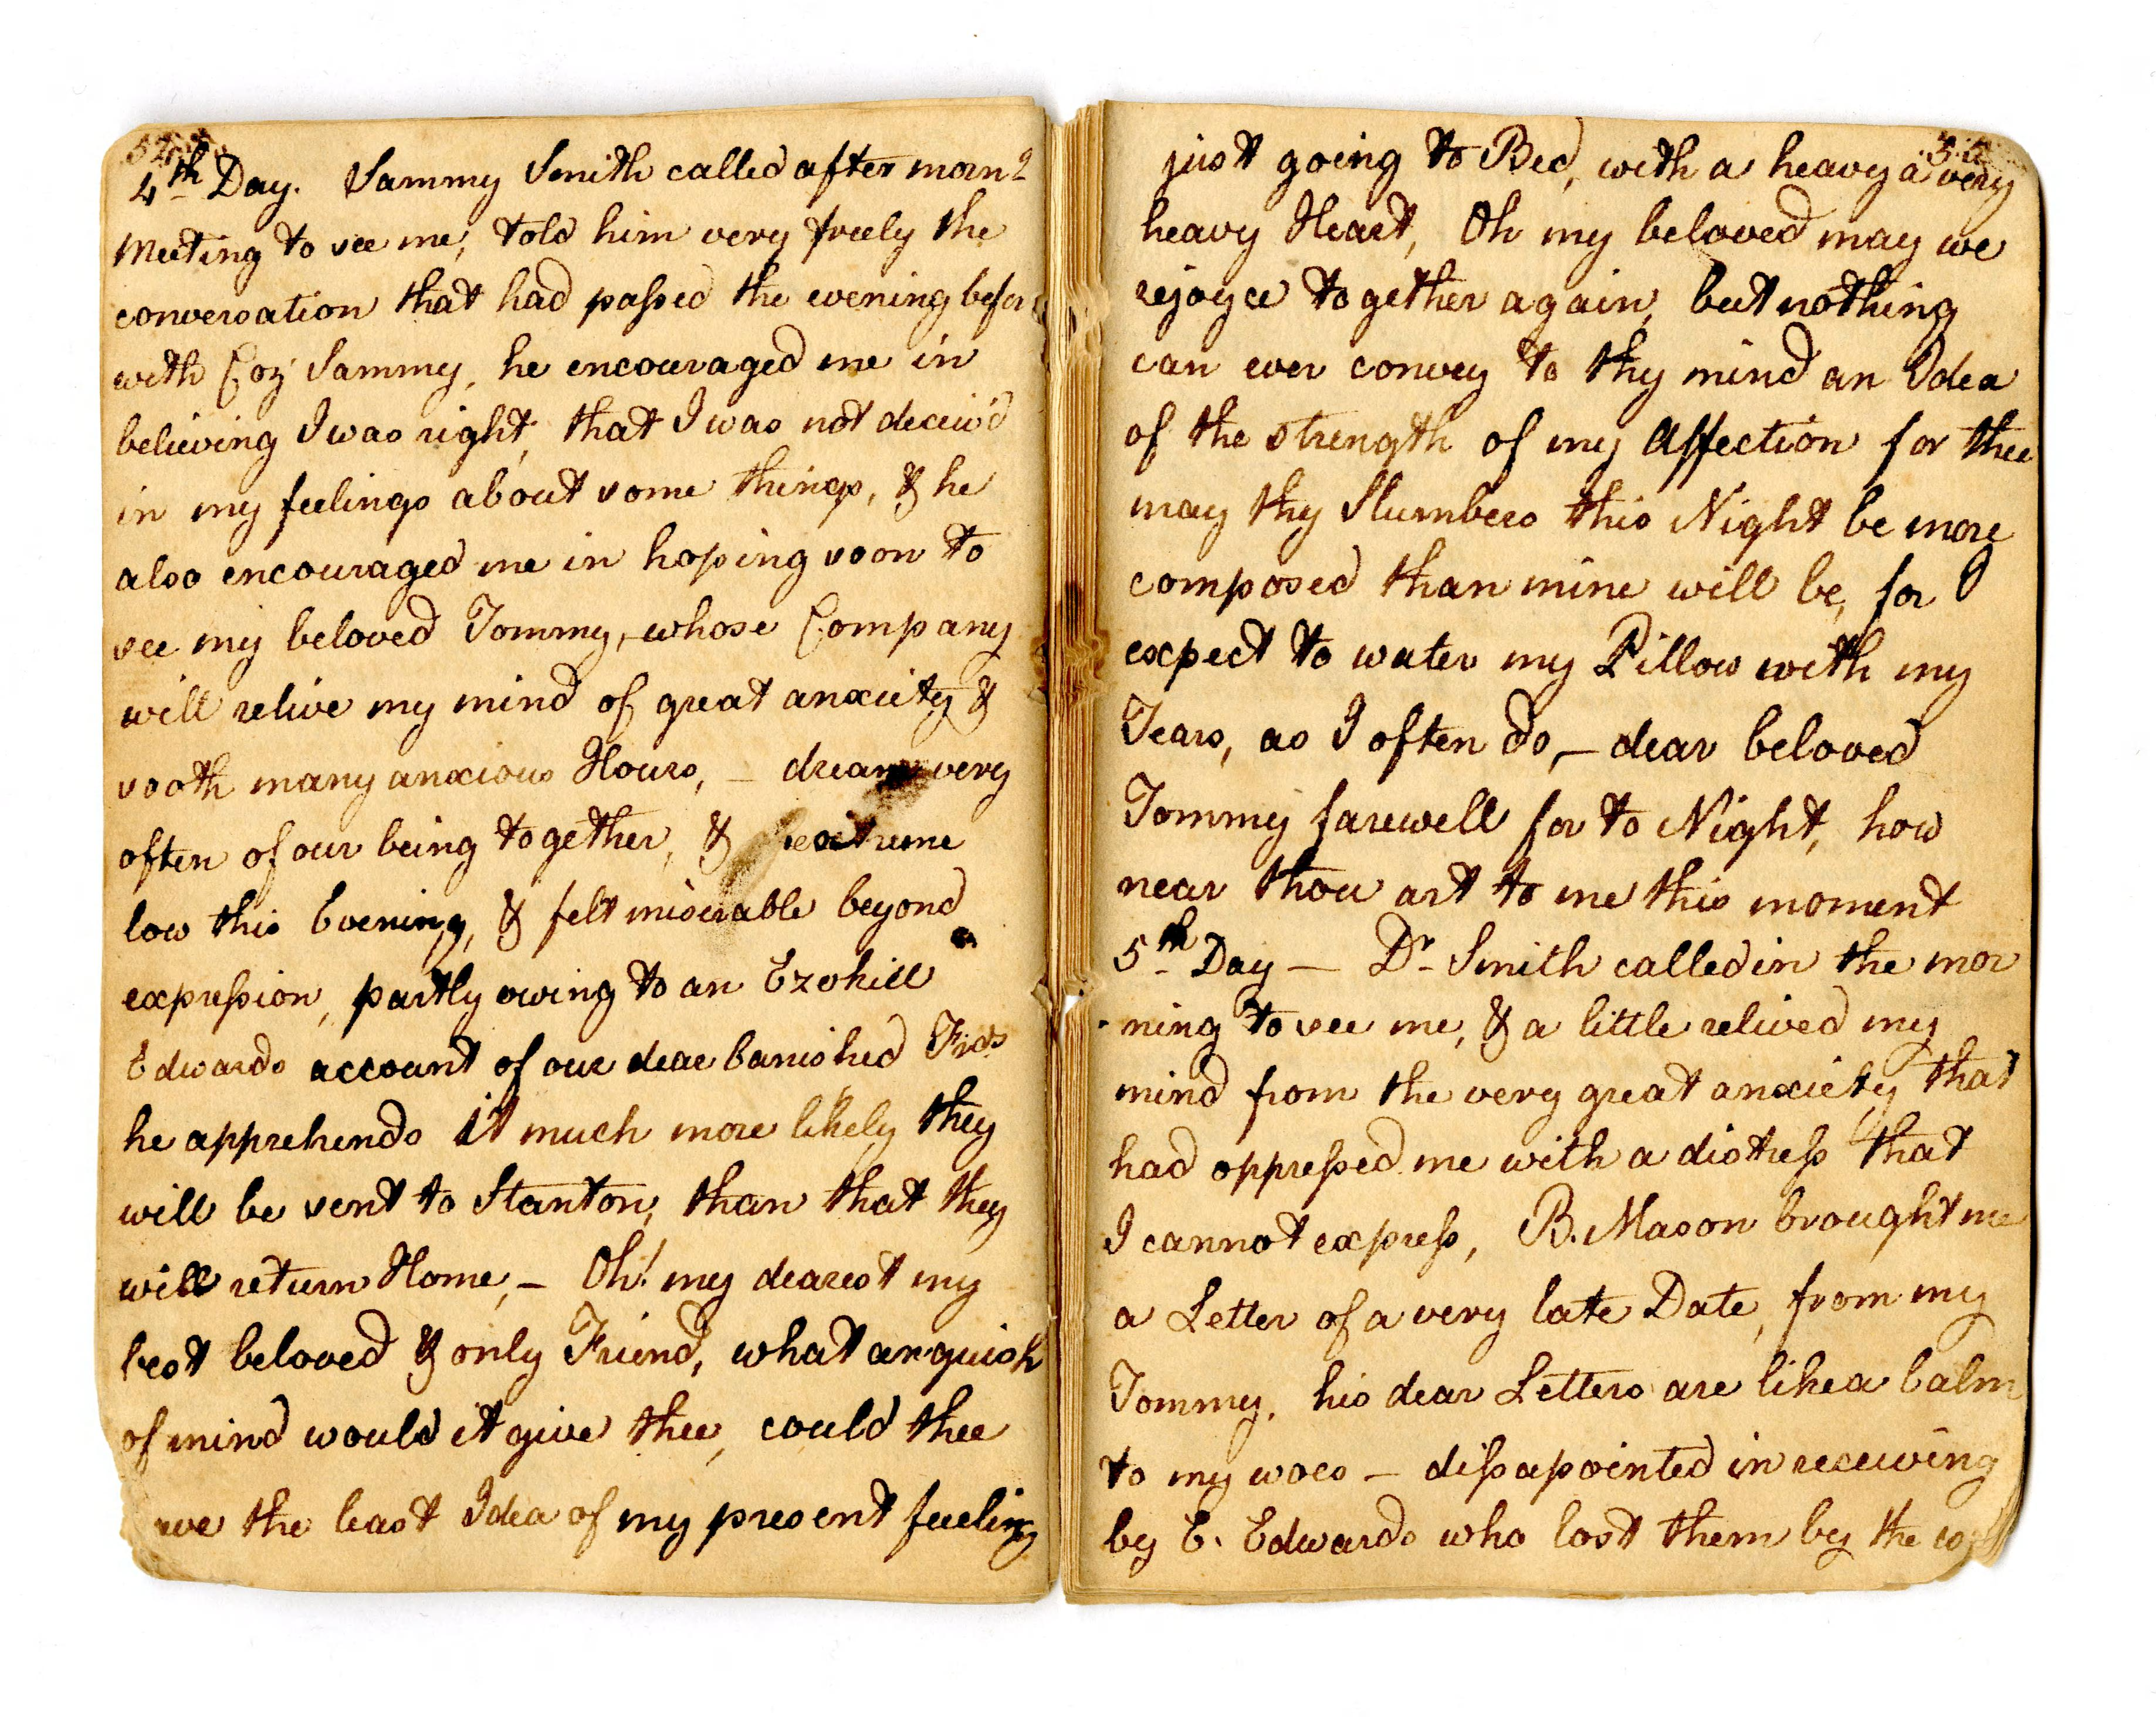54
4^th Day. Sammy Smith called after morn^g
Meeting to see me, told him very freely the
conversation that had passed the evening befor
with Coz Sammy, he encouraged me in
believing I was right that I was not deceiv'd
in my feelings about some things, & he
also encouraged me in hoping soon to
see my beloved Tommy, whose Company
will relive my mind of great anxiety &
sooth many anxious Hours,- dream very
often of our being together, & extreme
low this Evening, & felt miserable beyond
expression, partly owing to an Ezekiel
Edwards account of our dear banished Frd^s
he apprehends it much more likely they
will be sent to Stanton, than that they
will return Home- Oh! my dearest my
best beloved & only Friend, what anguish
of mind would it give thee, could thee
eve the last Idea of my present feeling
55
just going to Bed with a heavy a very
heavy Heart, Oh my beloved may we
rejoyce together again, but nothing
can ever convey to thy mind an Idea
of the strength of my Affection for thee
may thy Slumbers this Night be more
composed than mine will be, for I
expect to water my Pillow with my
Tears, as I often do,- dear beloved
Tommy farewell for to Night, how
near thou art to me this moment
5^th Day- D^r Smith called in the mor
-ning to see me, & a little relived my
mind from the very great anxiety that
had oppressed me with a distress that
I cannot express, B. Mason brought me
a Letter of a very late Date from my
Tommy, his dear Letters are like a balm
to my woes- dissapointed in receiving
by E. Edwards who lost them by the co